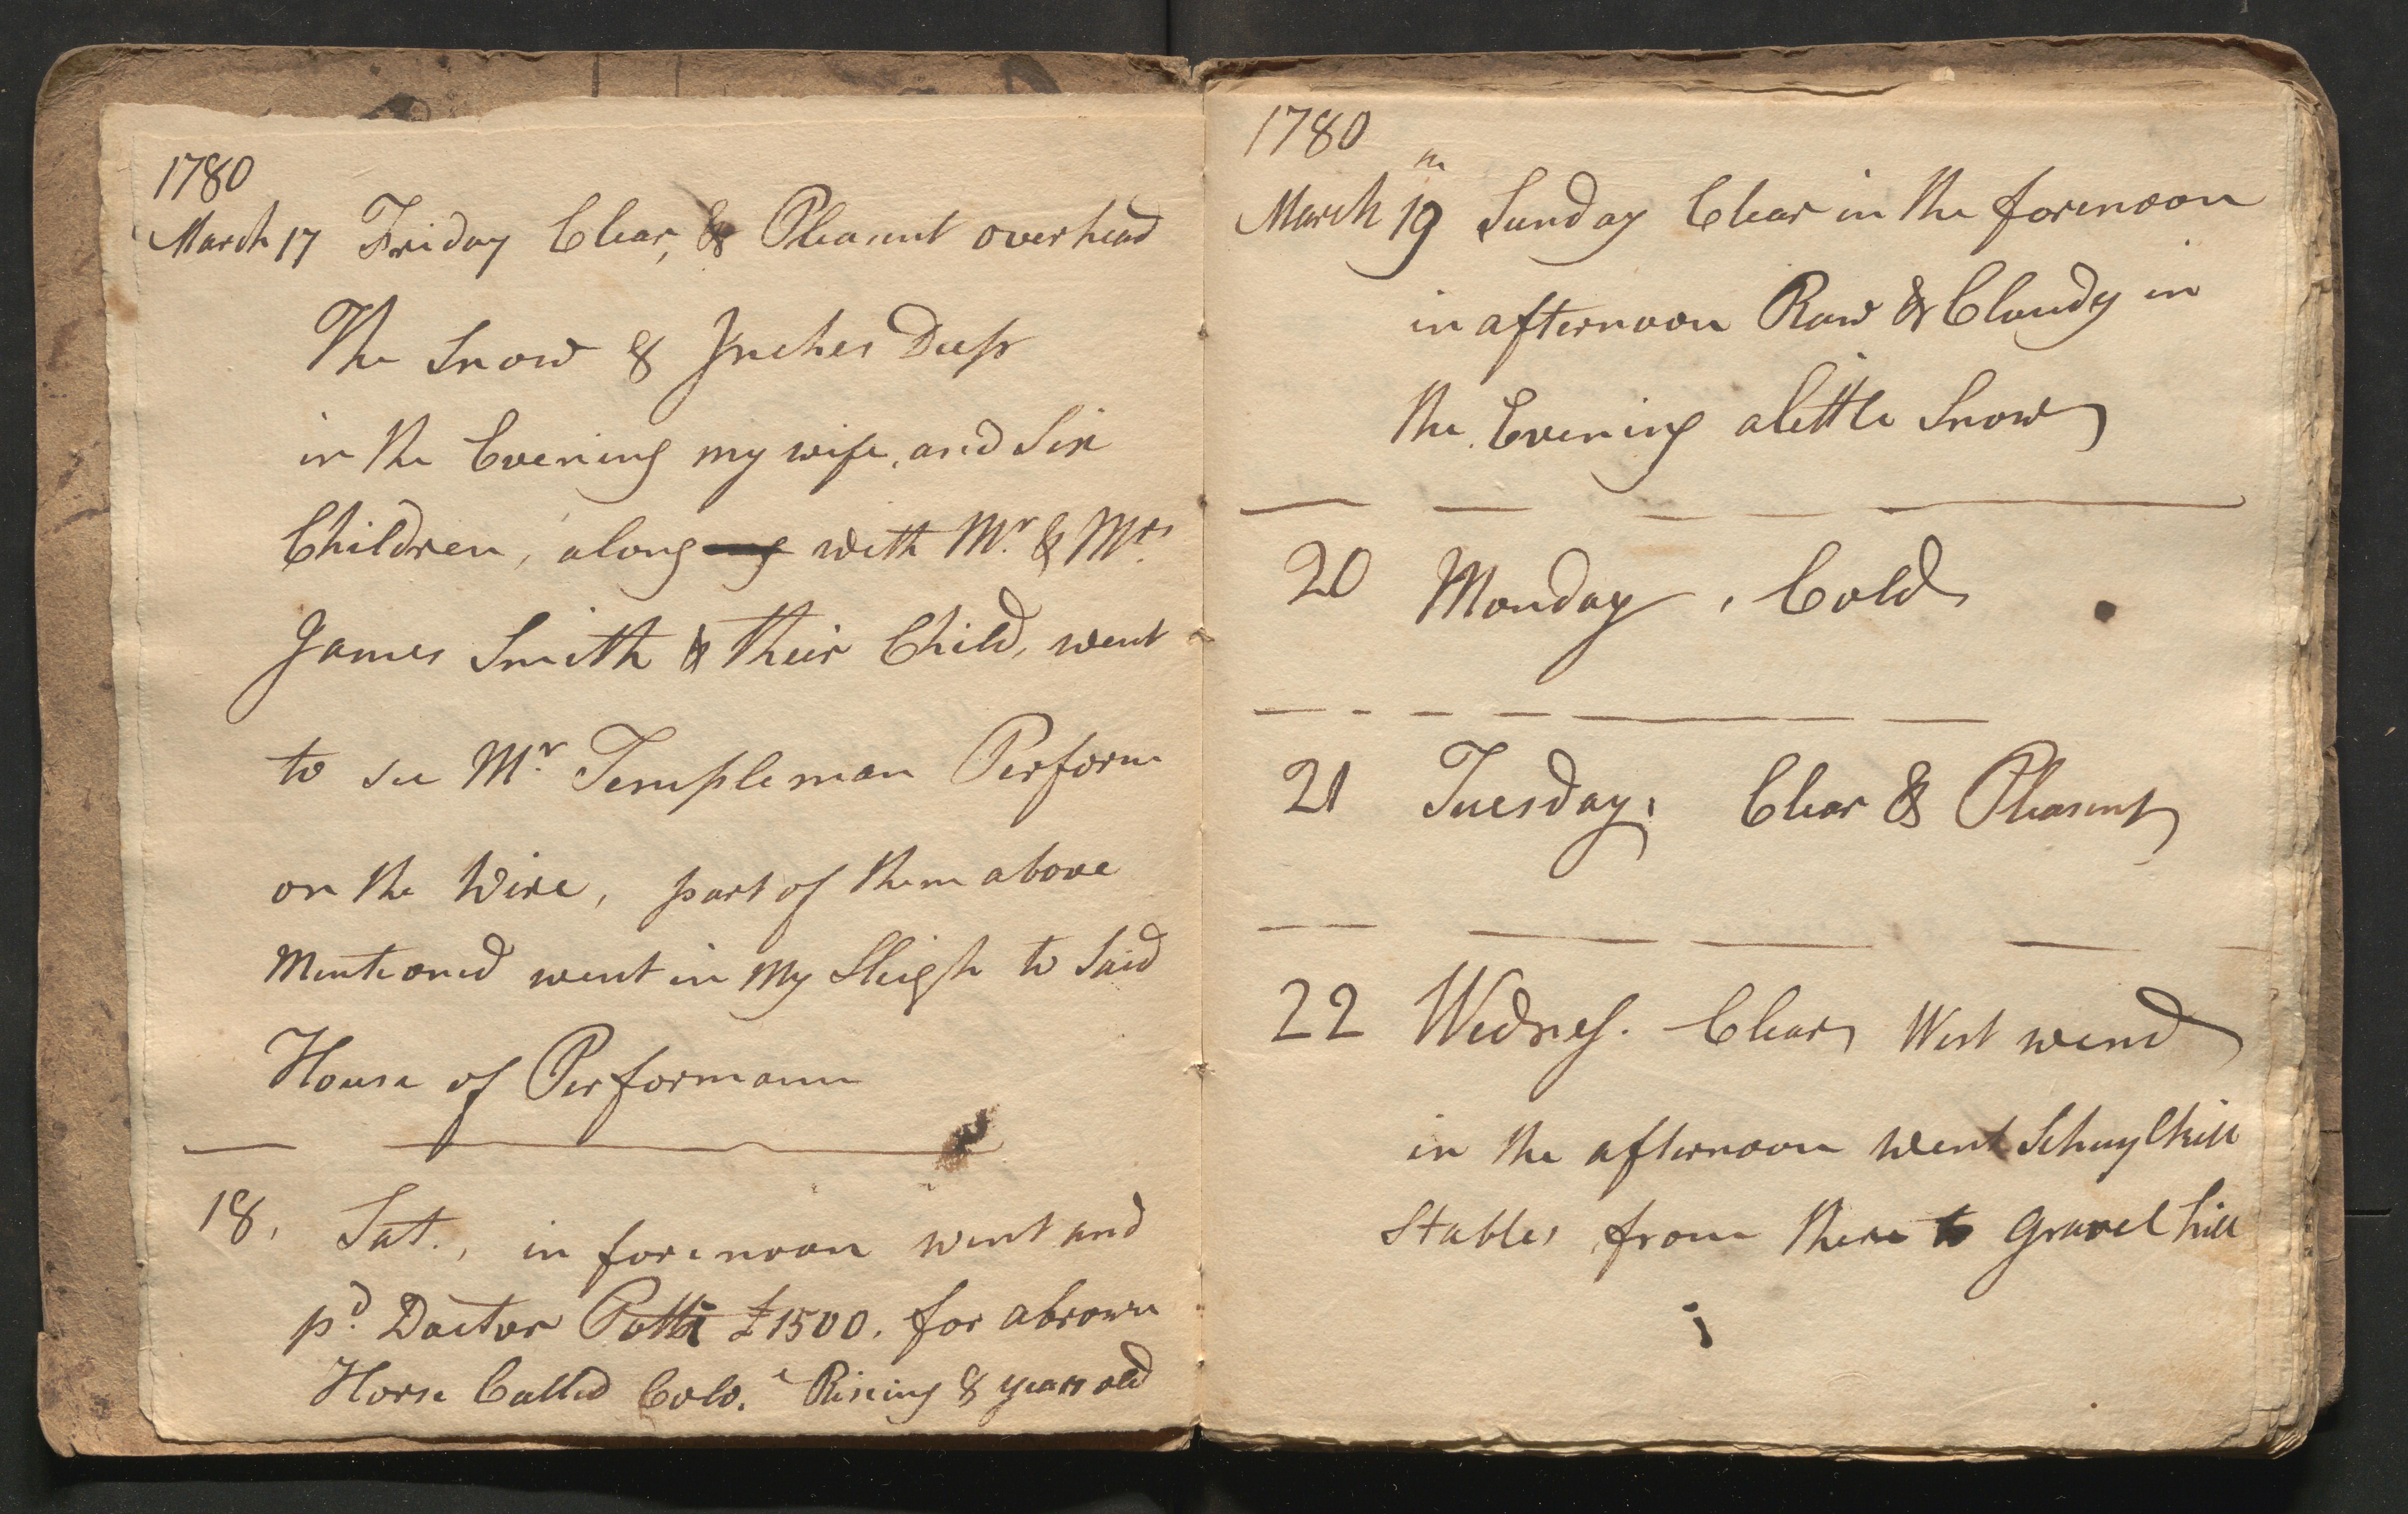1780
March 17 Friday Clear & Pleasent over head
The snow 8 Inches Deep
in the Evening my wife, and Six
Children, along[ing] with M^r. & M^rs.
James Smith & their Child, went
to see M^r. Templeman Perform
on the Wire, part of them above
Mentioned went in My Sleigh to said
House of Performance
18. Sat., in forenoon went and
p^d. Dacter Potts £1500. for a brown
Horse Called Colo^l. Rining 8 year old
1780
March 19^th Sunday Clear in the forenoon
in afternoon Raw & Cloudy in
the Evening a little snow
2 Monday, Cold
21 Tuesday. Clear & Pleasent
22 Wednes. Clear West wind
in the afternoon went Schuylkill
Stables from there to Gravel hill